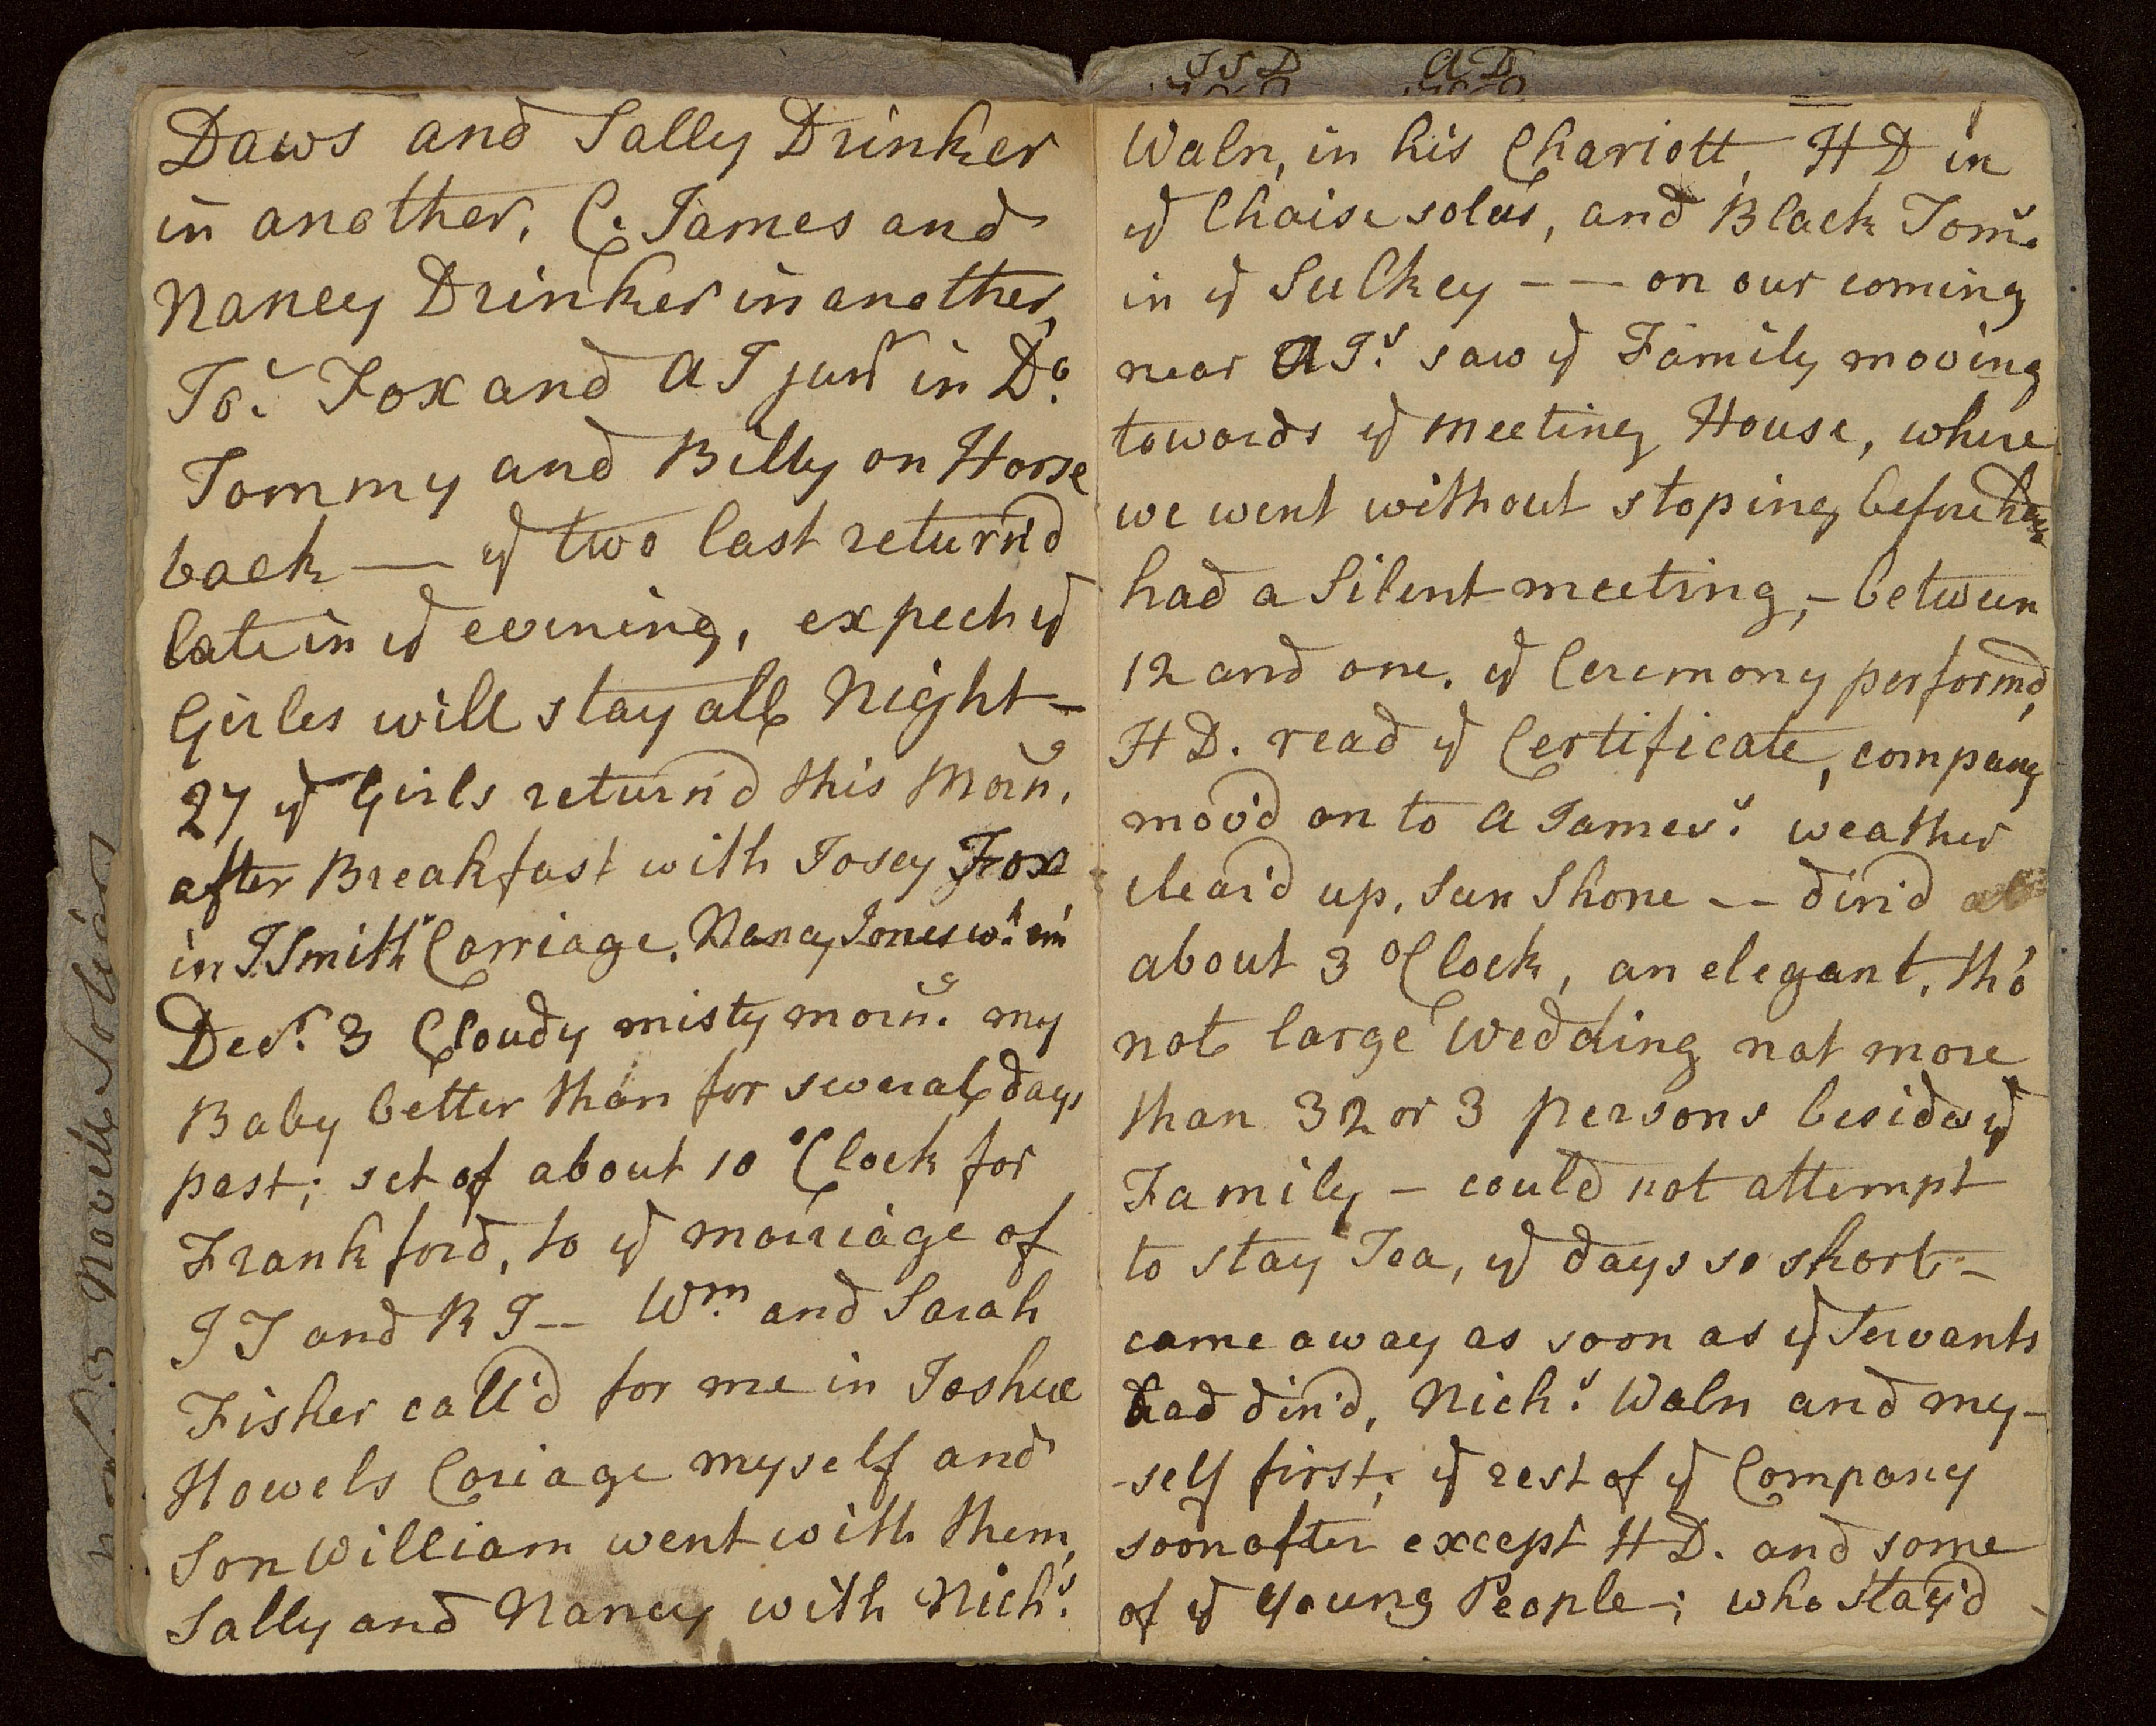Daws and Sally Drinker
in another, C. James and
Nancy Drinker in another
To^c. Fox and AJ jun^r in D^o.
Tommy and Billy on Horse
back- y^e two last return'd
late in y^e evening, expect y^e
Girles will stay all night-
27 y^e Girls return'd this Morn^g.,
after Breakfast with Josey Fox
in T. Smith Carriage, Nancy Jones w^h [em']
Dec^r. 3 Cloudy misty morn^g. my
Baby better than for several days
past; set of about 10 ^o Clock for
Frankford, to y^e marriage of
JJ and RJ-- W^m. and Sarah
Fisher call'd for me in Joshua,
Howels Cariage myself and
Son William went with them,
Sally and Nancy with Nich^s.
Waln, in his Chariott, HD in
y^e Chaise solas, and Black Tom^s.
in y^e Sulkey-- on our coming
near A J^s. saw y^e Family moving
towards y^e meeting House, where
we went without stopping before he
had a Silent meeting- between
12 and one, y^e Ceremony performd,
HD. read y^e Certificate, company
mov'd on to A James^s. weather
clear'd up, Sun Shone-- din'd at
about 3 ^o Clock, an elegant, tho'
not large wedding, not more
than 32or 3 persons besides y^e
Family- could not attempt
to stay Tea, y^e days so short-
came away as soon as y^e servants
had din'd, Nich^s Waln and my-
-self first; y^e rest of y^e Company
soon after except HD. and some
of y^e young People; who stay'd